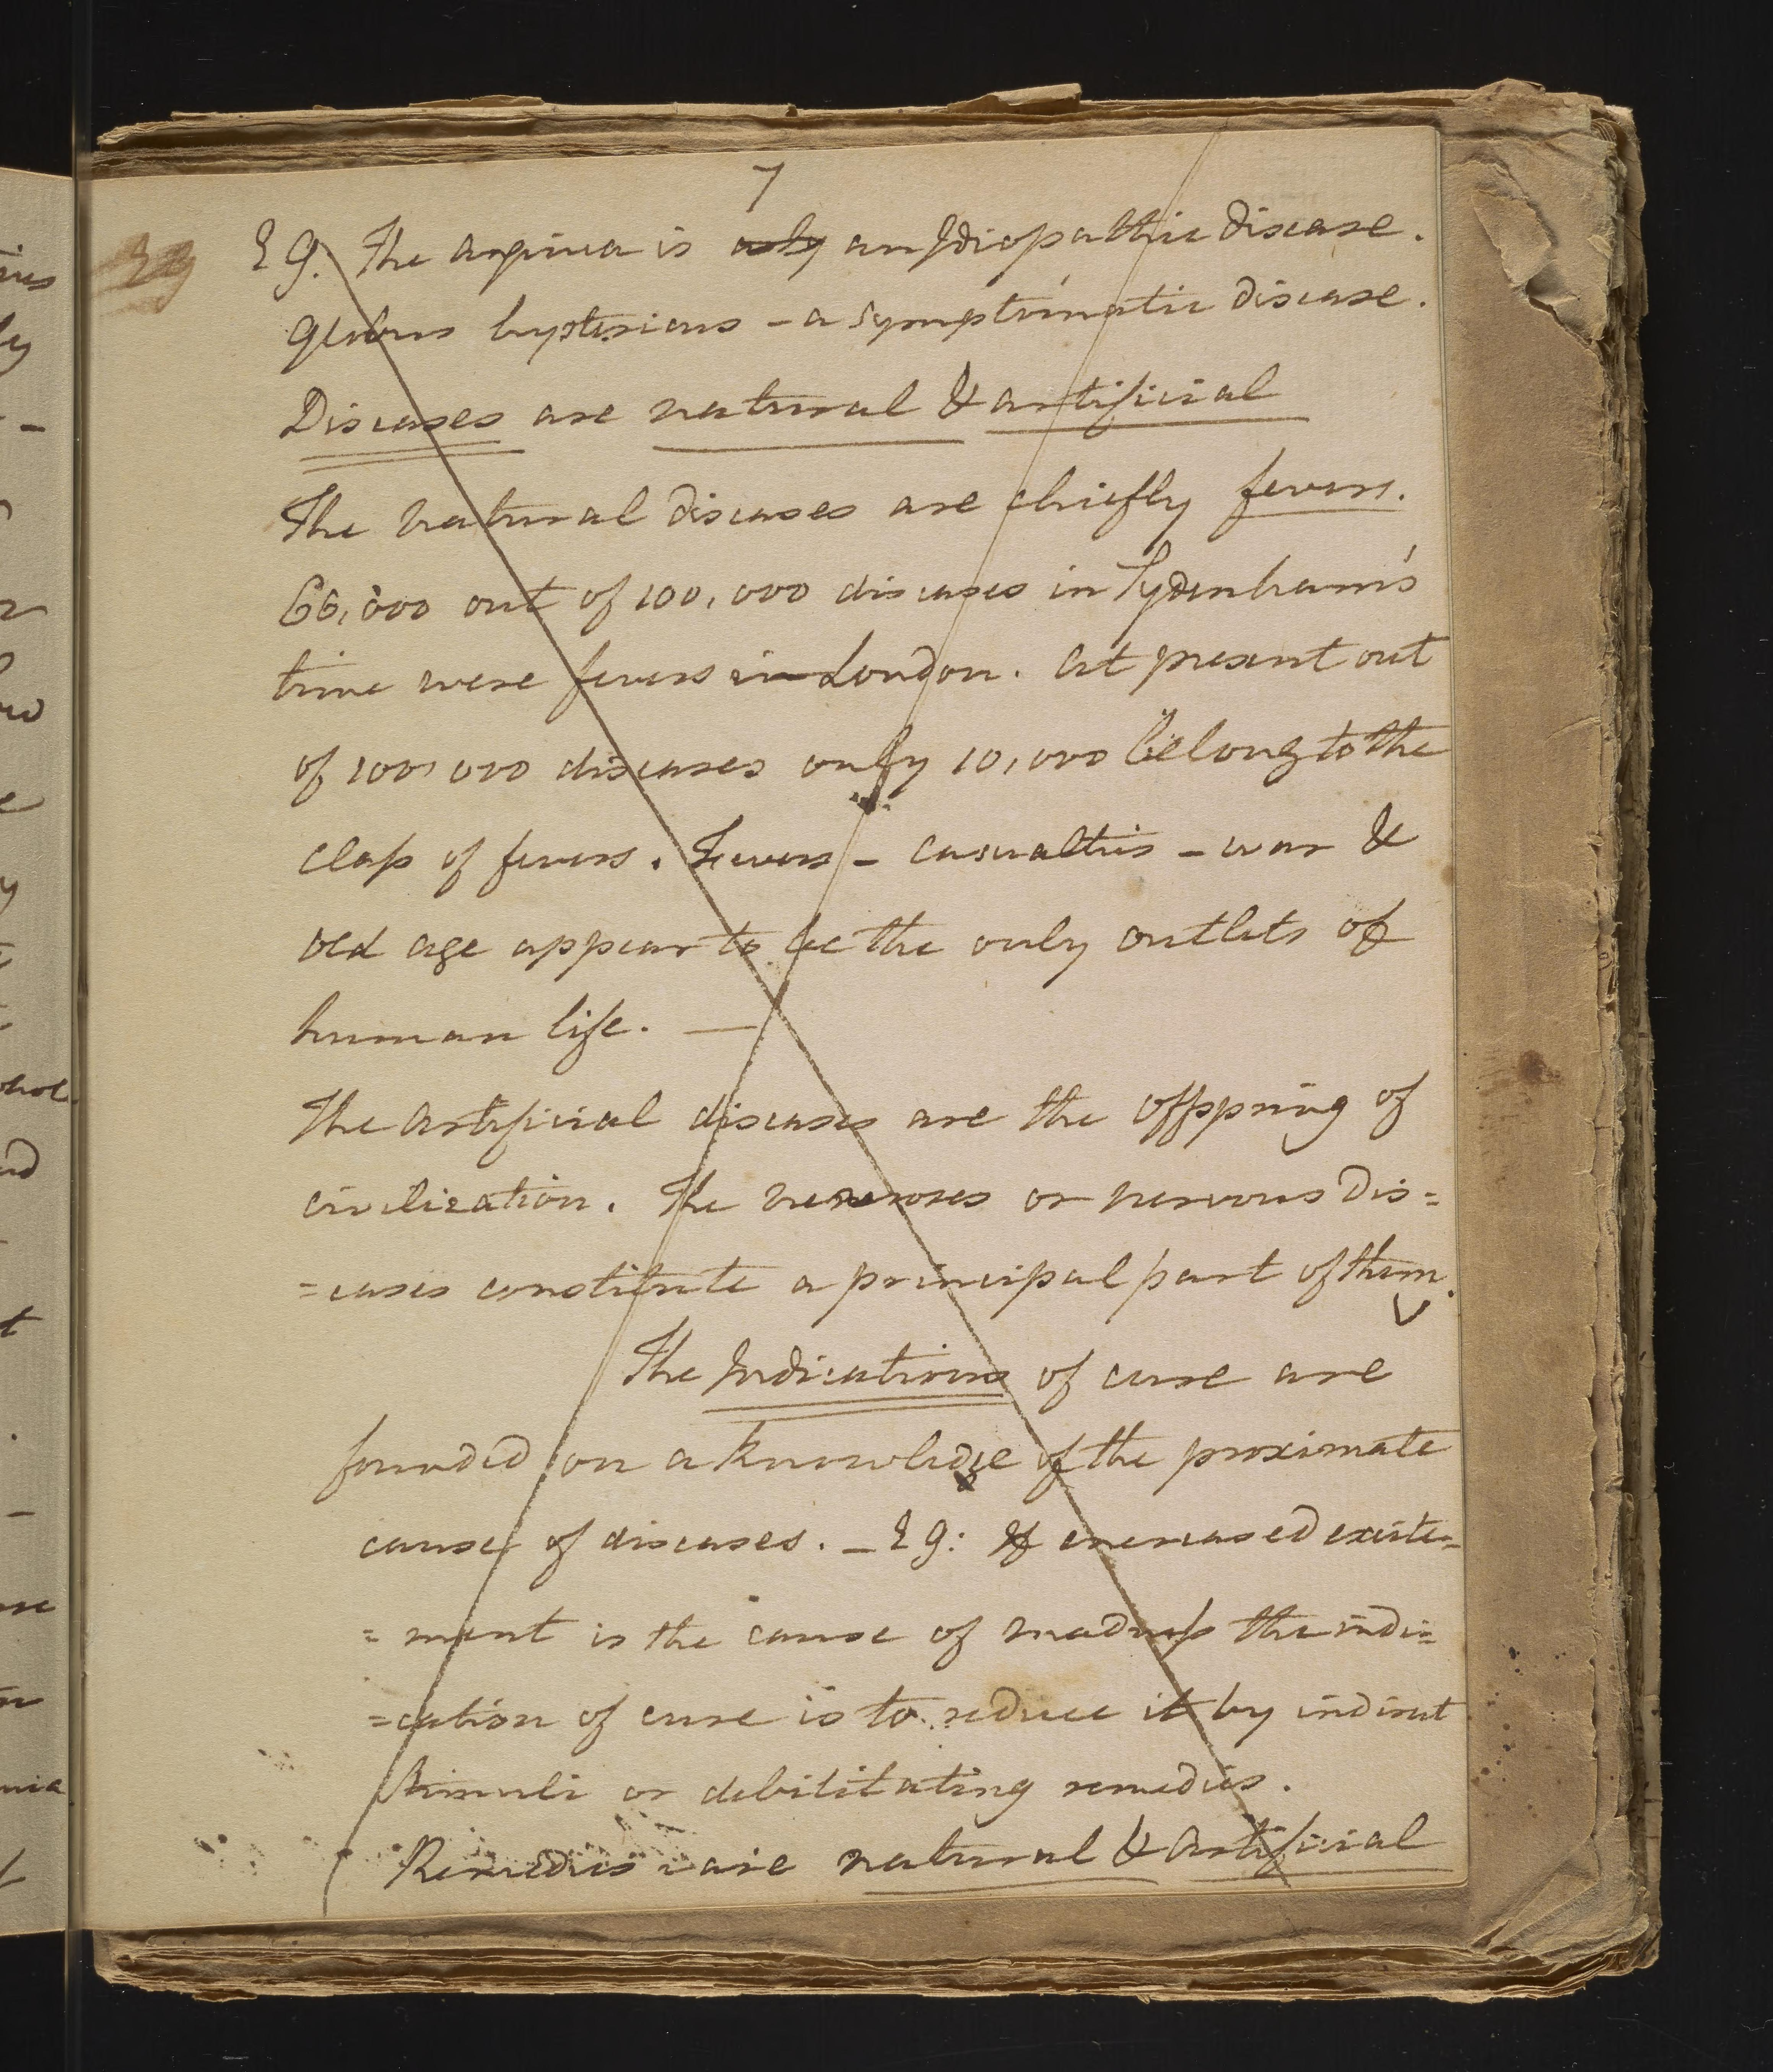7
E.g. the angina is [only] an idiopathic disease.
globus hysterians- a symptomatic disease.
Disease are natural & artificial
The natural diseases are chiefly fevers
66,000 out of 100,000 diseases in Sydenham's
time were fevers in London. At present out
of 100,000 diseases only 10,000 belong to the
class of fevers. Fevers- casualties- war &
old age appear to be the only outlets
human life.
The artificial disease are the offspring of
civilization. The neuroses or nervous dis-
eases constitute a principal part of them.
The Indiciations of cause are
founded on a knowledge of the proximate
cause of diseases.- E.g: If encreased excite-
-ment is the cause of madness the indi-
cation of cure is to reduce it by incident
stimuli or debilitating remedies.
Remedies are natural & artificial